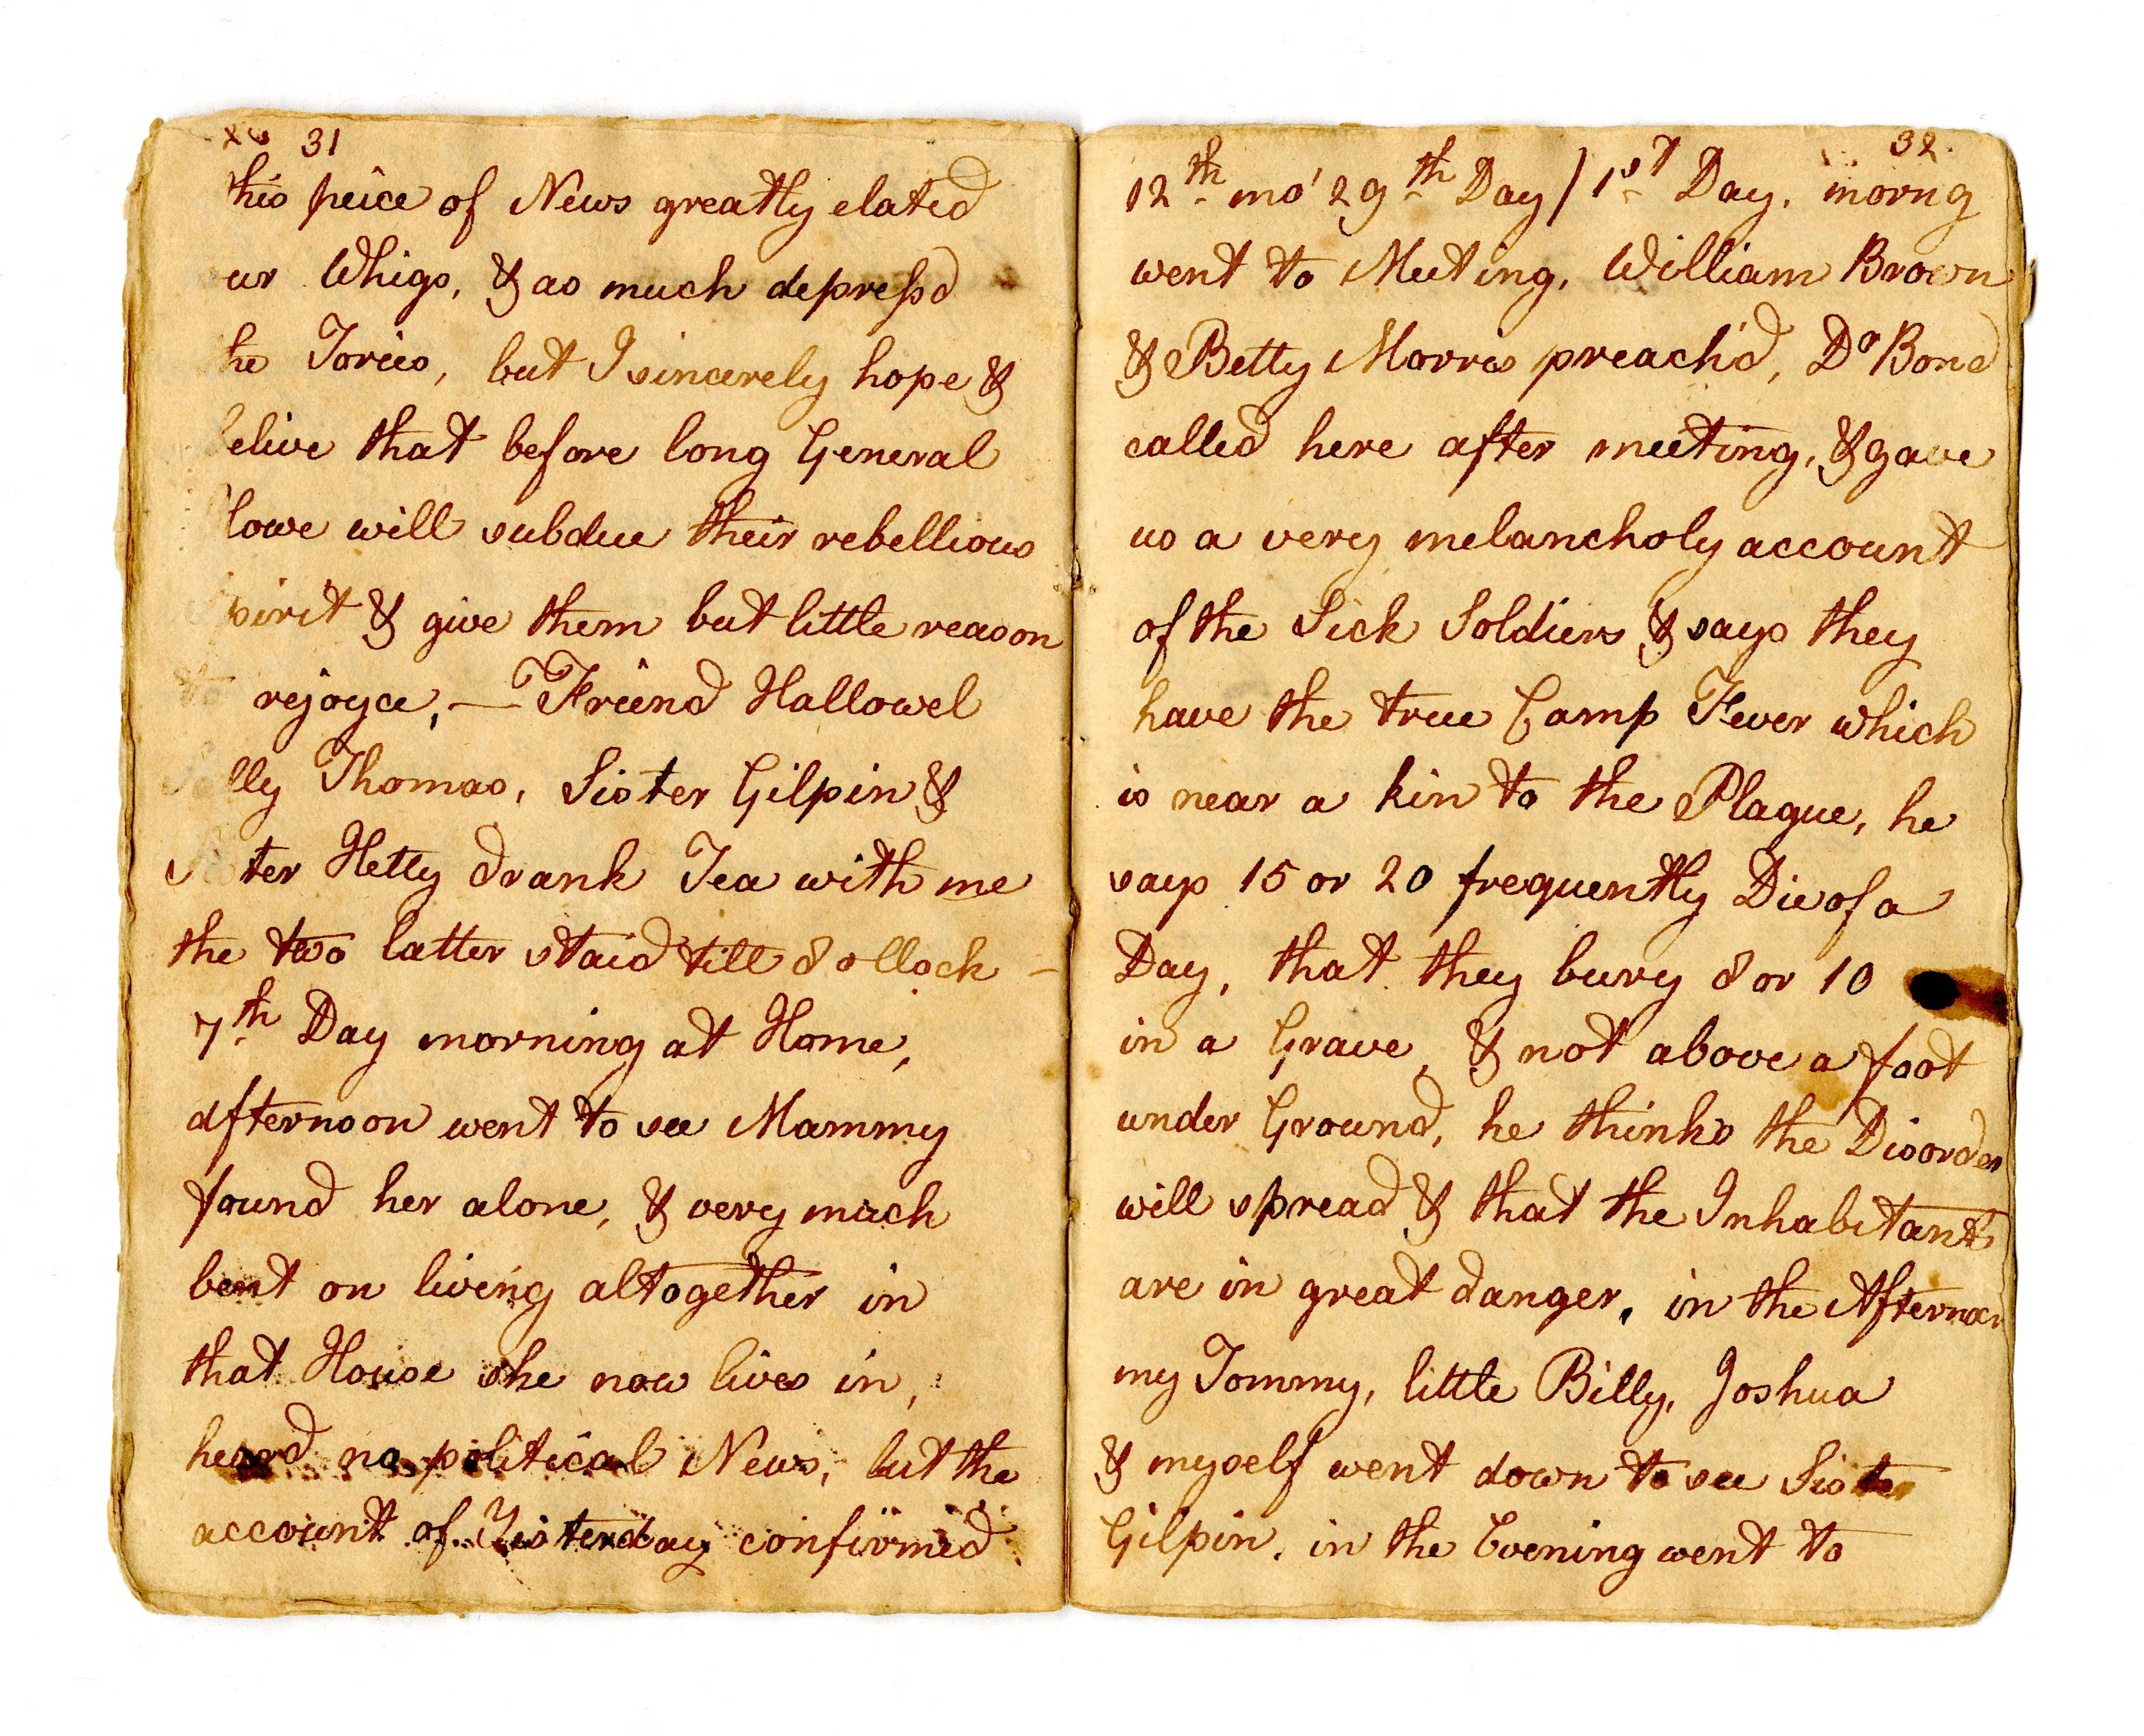31
this peice of News greatly elated
us Whigs, & as much depressd
the Tories, but I sincerely hope &
belive that before long General
Howe will subdue their rebellious
Spirit & give them but little reason
to rejoyce,- Friend Hallowel
Sally Thomas, Sister Gilpin &
Sister Hetty drank Tea with me
the two latter staid till 8 oClock
7^th. Day morning at Home,
afternoon went to see Mammy
found her alone, & very much
bent on living altogether in
that House she now lives in,
heard no political News, but the
account of Yesterday confirmed
32
12^th mo' 29^th Day ) 1^st Day. morng
went to Meeting, William Brown
& Betty Morris preach'd, D^r Bond
called here after meeting, & gave
us a very melancholy account
of the Sick Soldiers & says they
have the true Camp Fever which
is near a kin to the Plague, he
says 15 or 20 frequently Die of a
Day, that they bury 8 or 10
in a Grave, & not above a foot
under Ground, he thinks the Disorder
will spread & that the Inhabitants
are in great danger, in the Afternoon
my Tommy, little Billy, Joshua
& myself went down to see Sister
Gilpin, in the Evening went to